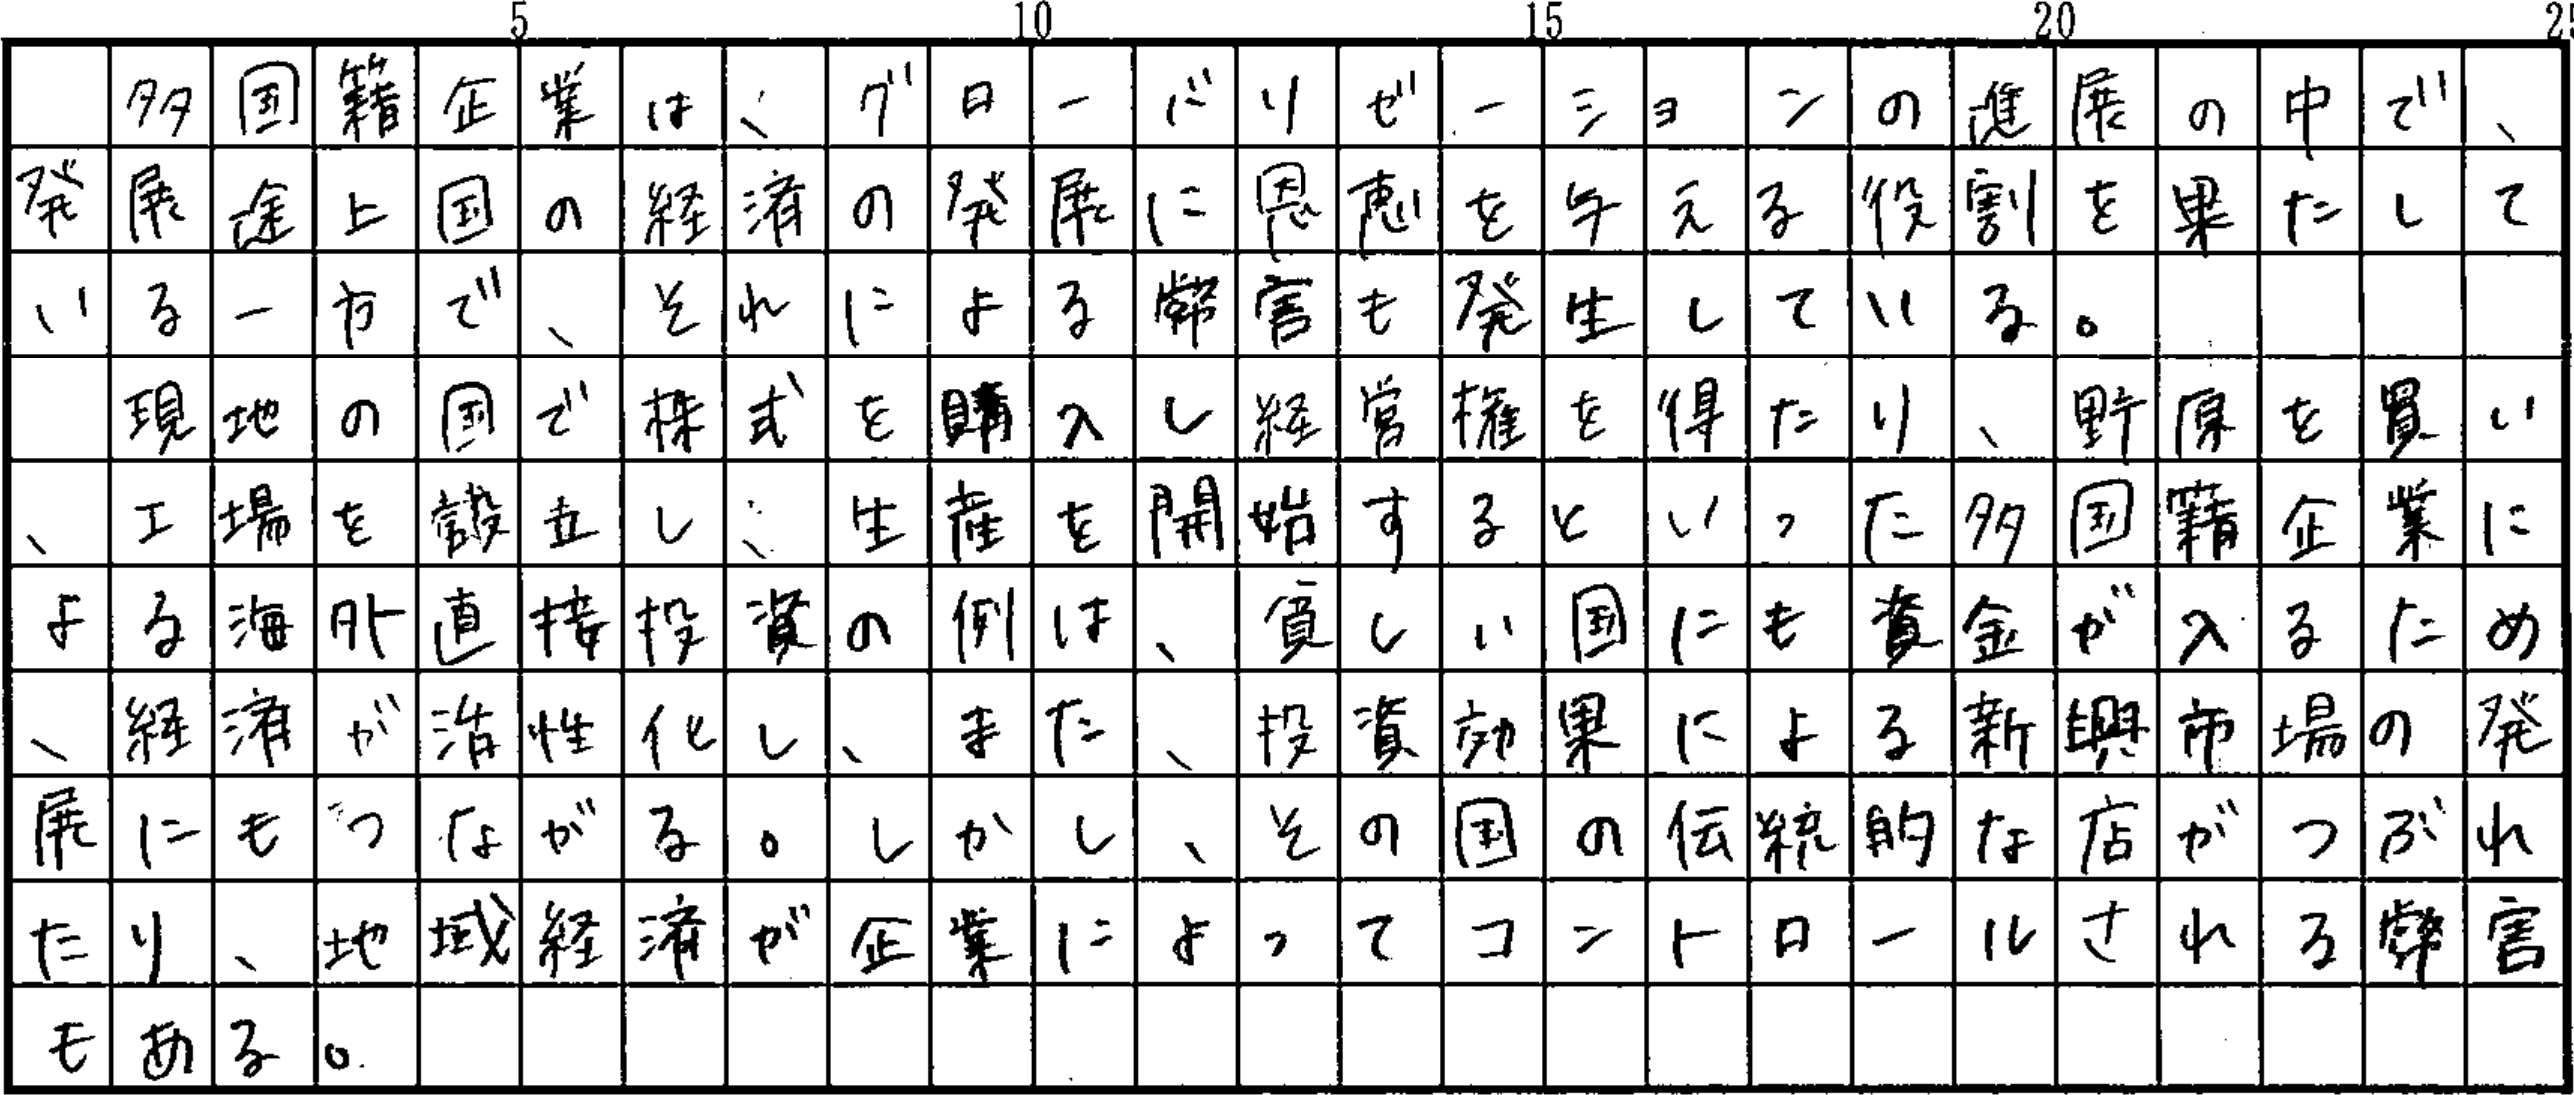　多国籍企業は、グローバリゼーションの進展の中で、発展途上国の経済の発展に恩恵を与える役割を果たしている一方で、それによる幣害も発生している。
　現地の国で株式を購入し経営権を得たり、野原を買い、工場を設立し、生産を開始するといった多国籍企業による海外直接投資の例は、貧しい国にも資金が入るため、経済が活性化し、また、投資効果による新興市場の発展にもつながる。しかし、その国の伝統的な店がつぶれたり、地域経済が企業によってコントロールされる幣害もある。
